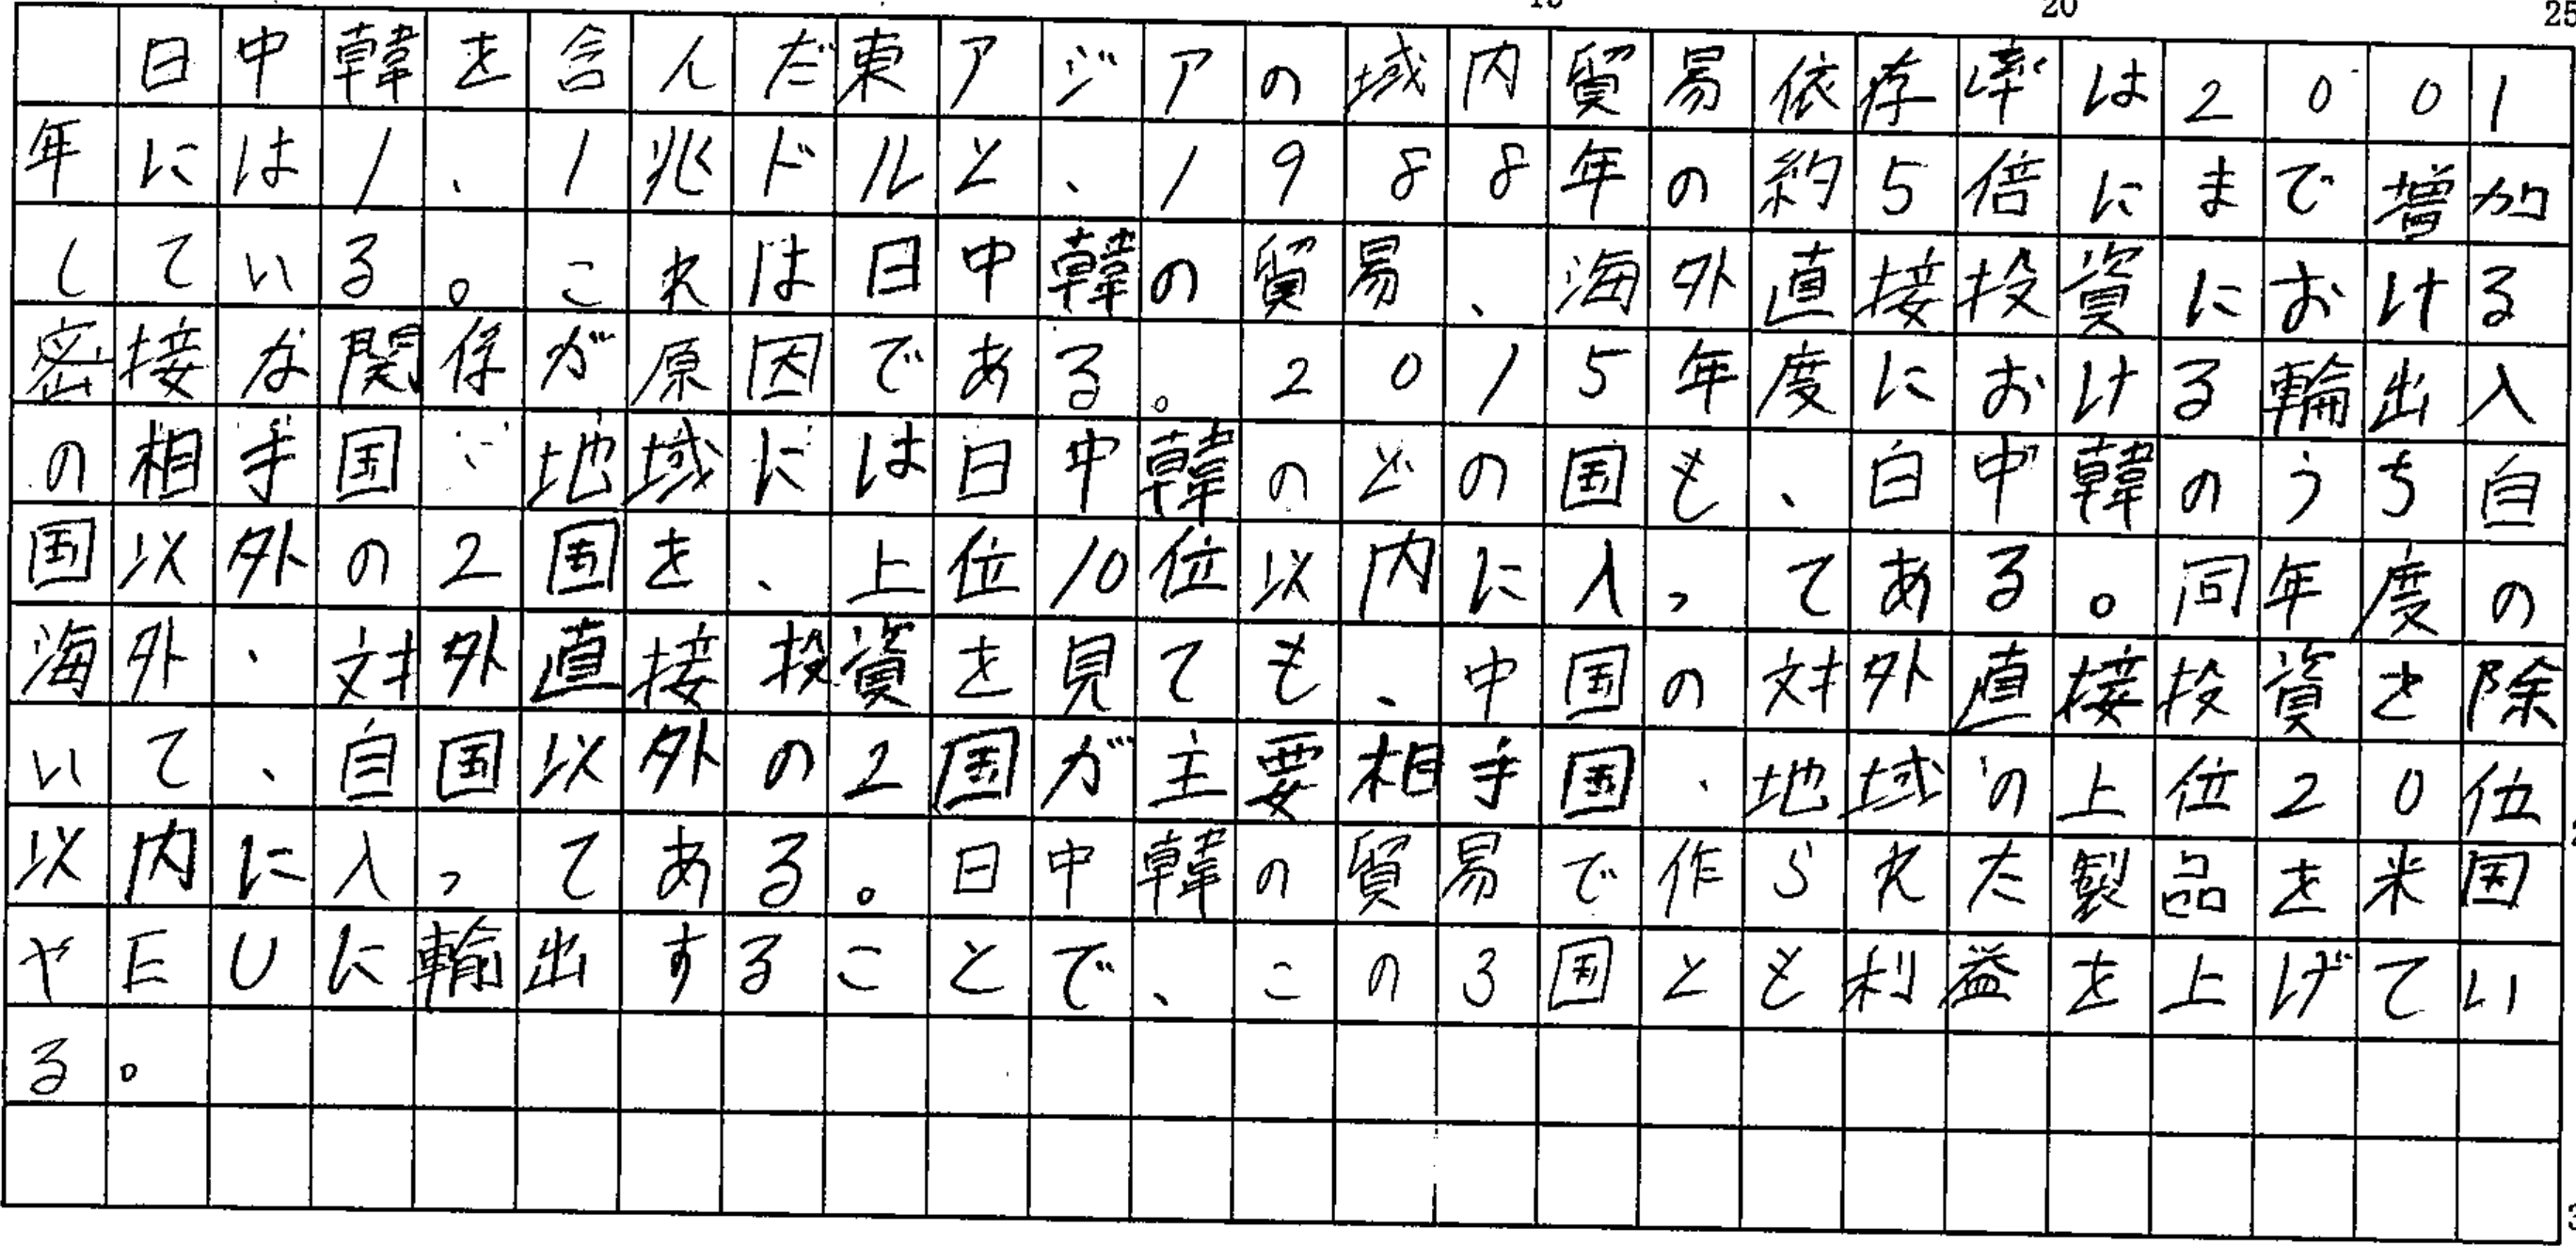　日中韓を含んだ東アジアの域内貿易依存率は２００１年には１．１兆ドルと、１９８８年の約５倍にまで増加している。これは日中韓の貿易、海外直接投資における密接な関係が原因である。２０１５年度における輪出入の相手国・地域には日中韓のどの国も、日中韓のうち自国以外の２国を、上位１０位以内に入ってある。同年度の海外・対外直接投資を見ても、中国の対外直接投資を除いて、自国以外の２国が主要相手国・地域の上位２０位以内に入ってある。日中韓の貿易で作られた製品を米国やＥＵに輸出することで、この３国とも利益を上げている。
